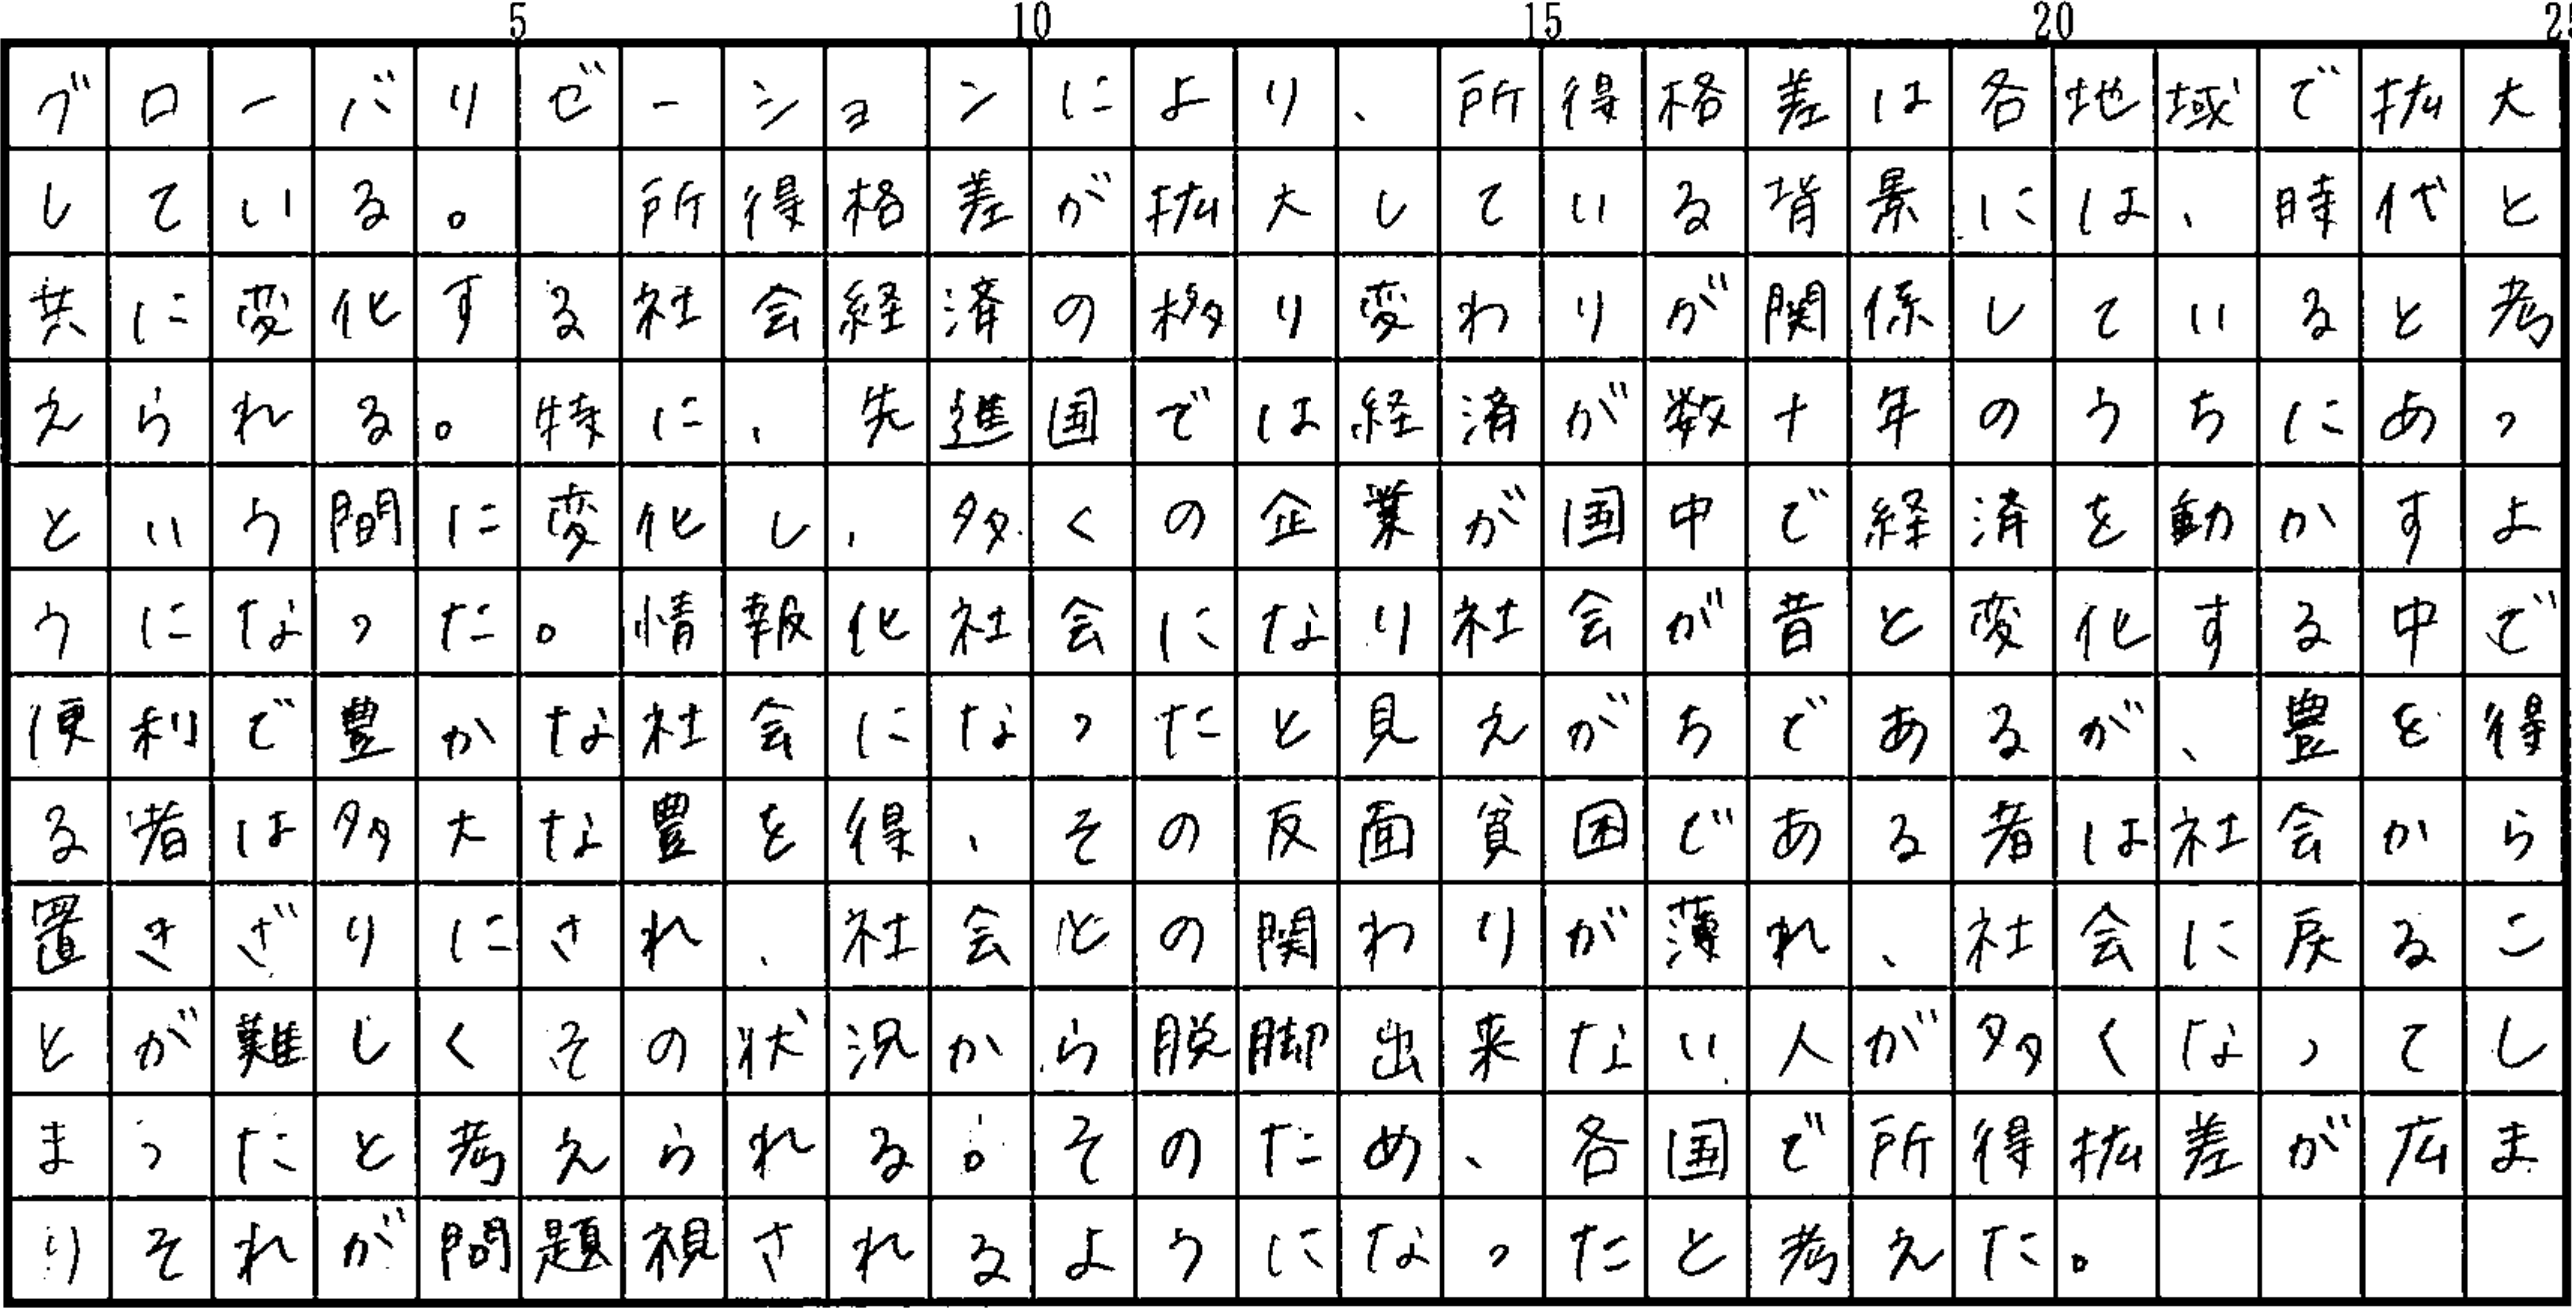グローバリゼーションにより、所得格差は各地域で拡大している。所得格差が拡大している背景には、時代と共に変化する社会経済の移り変わりが関係していると考えられる。特に、先進国では経済が数十年のうちにあっという間に変化し、多くの企業が国中で経済を動かすようになった。情報化社会になり社会が昔と変化する中で便利で豊かな社会になったと見えがちであるが、豊を得る者は多大な豊を得、その反面貧困である者は社会から置きざりにされ、社会との関わりが薄れ、社会に戻ることが難しくその状況から脱却出来ない人が多くなってしまったと考えられる。そのため、各国で所得拡差が広まりそれが問題視されるようになったと考えた。
